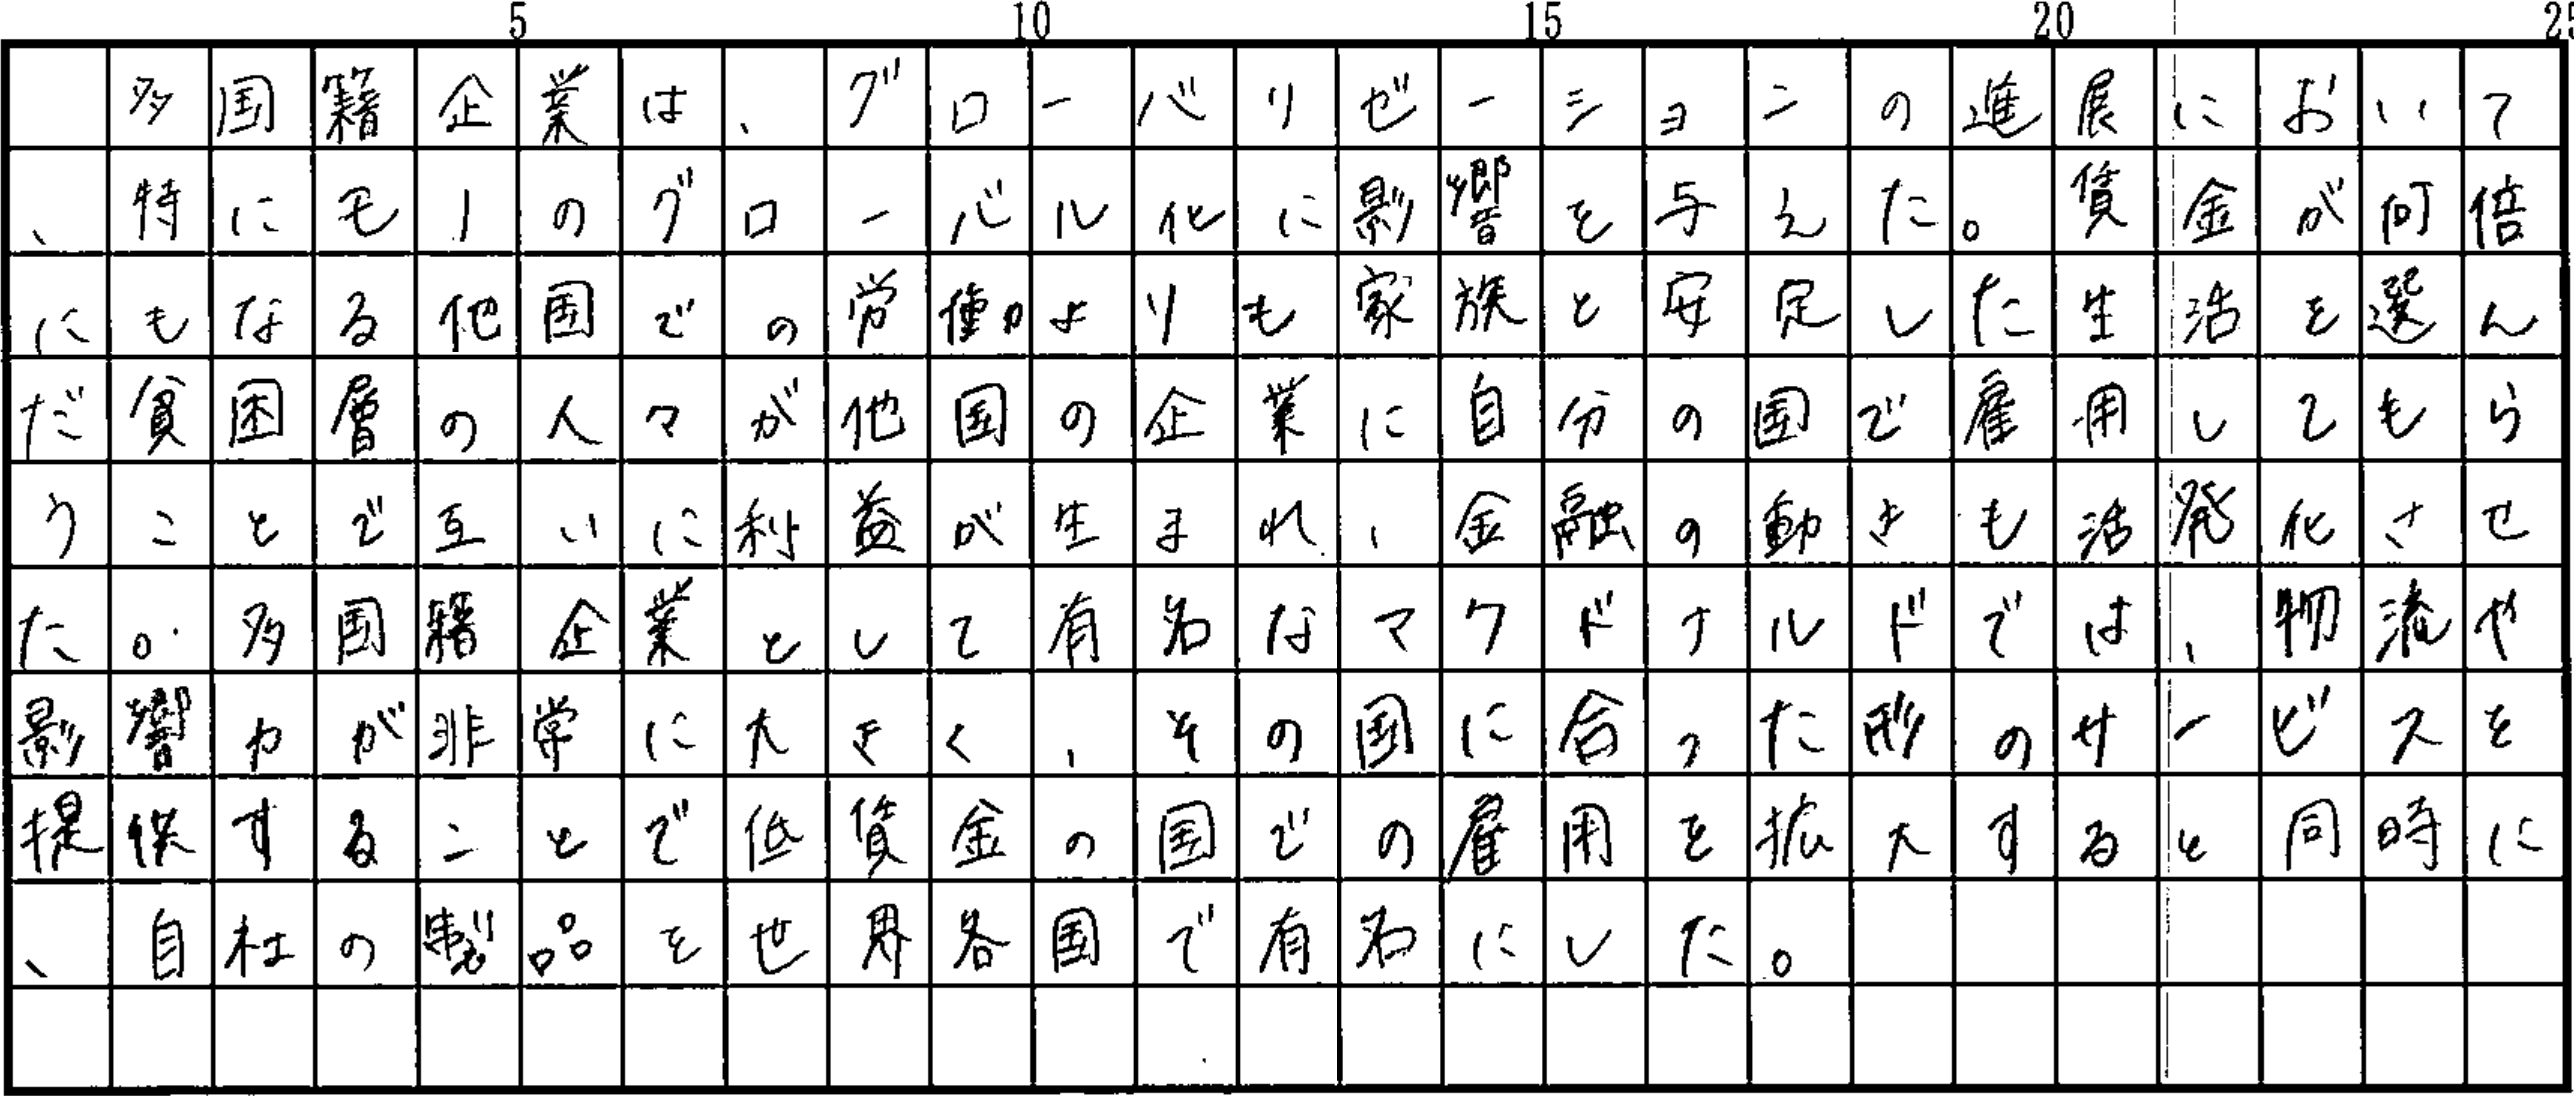　多国籍企業は、グローバリゼーションの進展において、特にモノのグローバル化に影響を与えた。賃金が何倍にもなる他国での労働よりも家族と安定した生活を選んだ貧困層の人々が他国の企業に自分の国で雇用してもらうことで互いに利益が生まれ、金融の動きも活発化させた。多国籍企業として有名なマクドナルドでは、物流や影響力が非常に大きく、その国に合った形のサービスを提供することで低賃金の国での雇用を拡大すると同時に、自社の製品を世界各国で有名にした。
